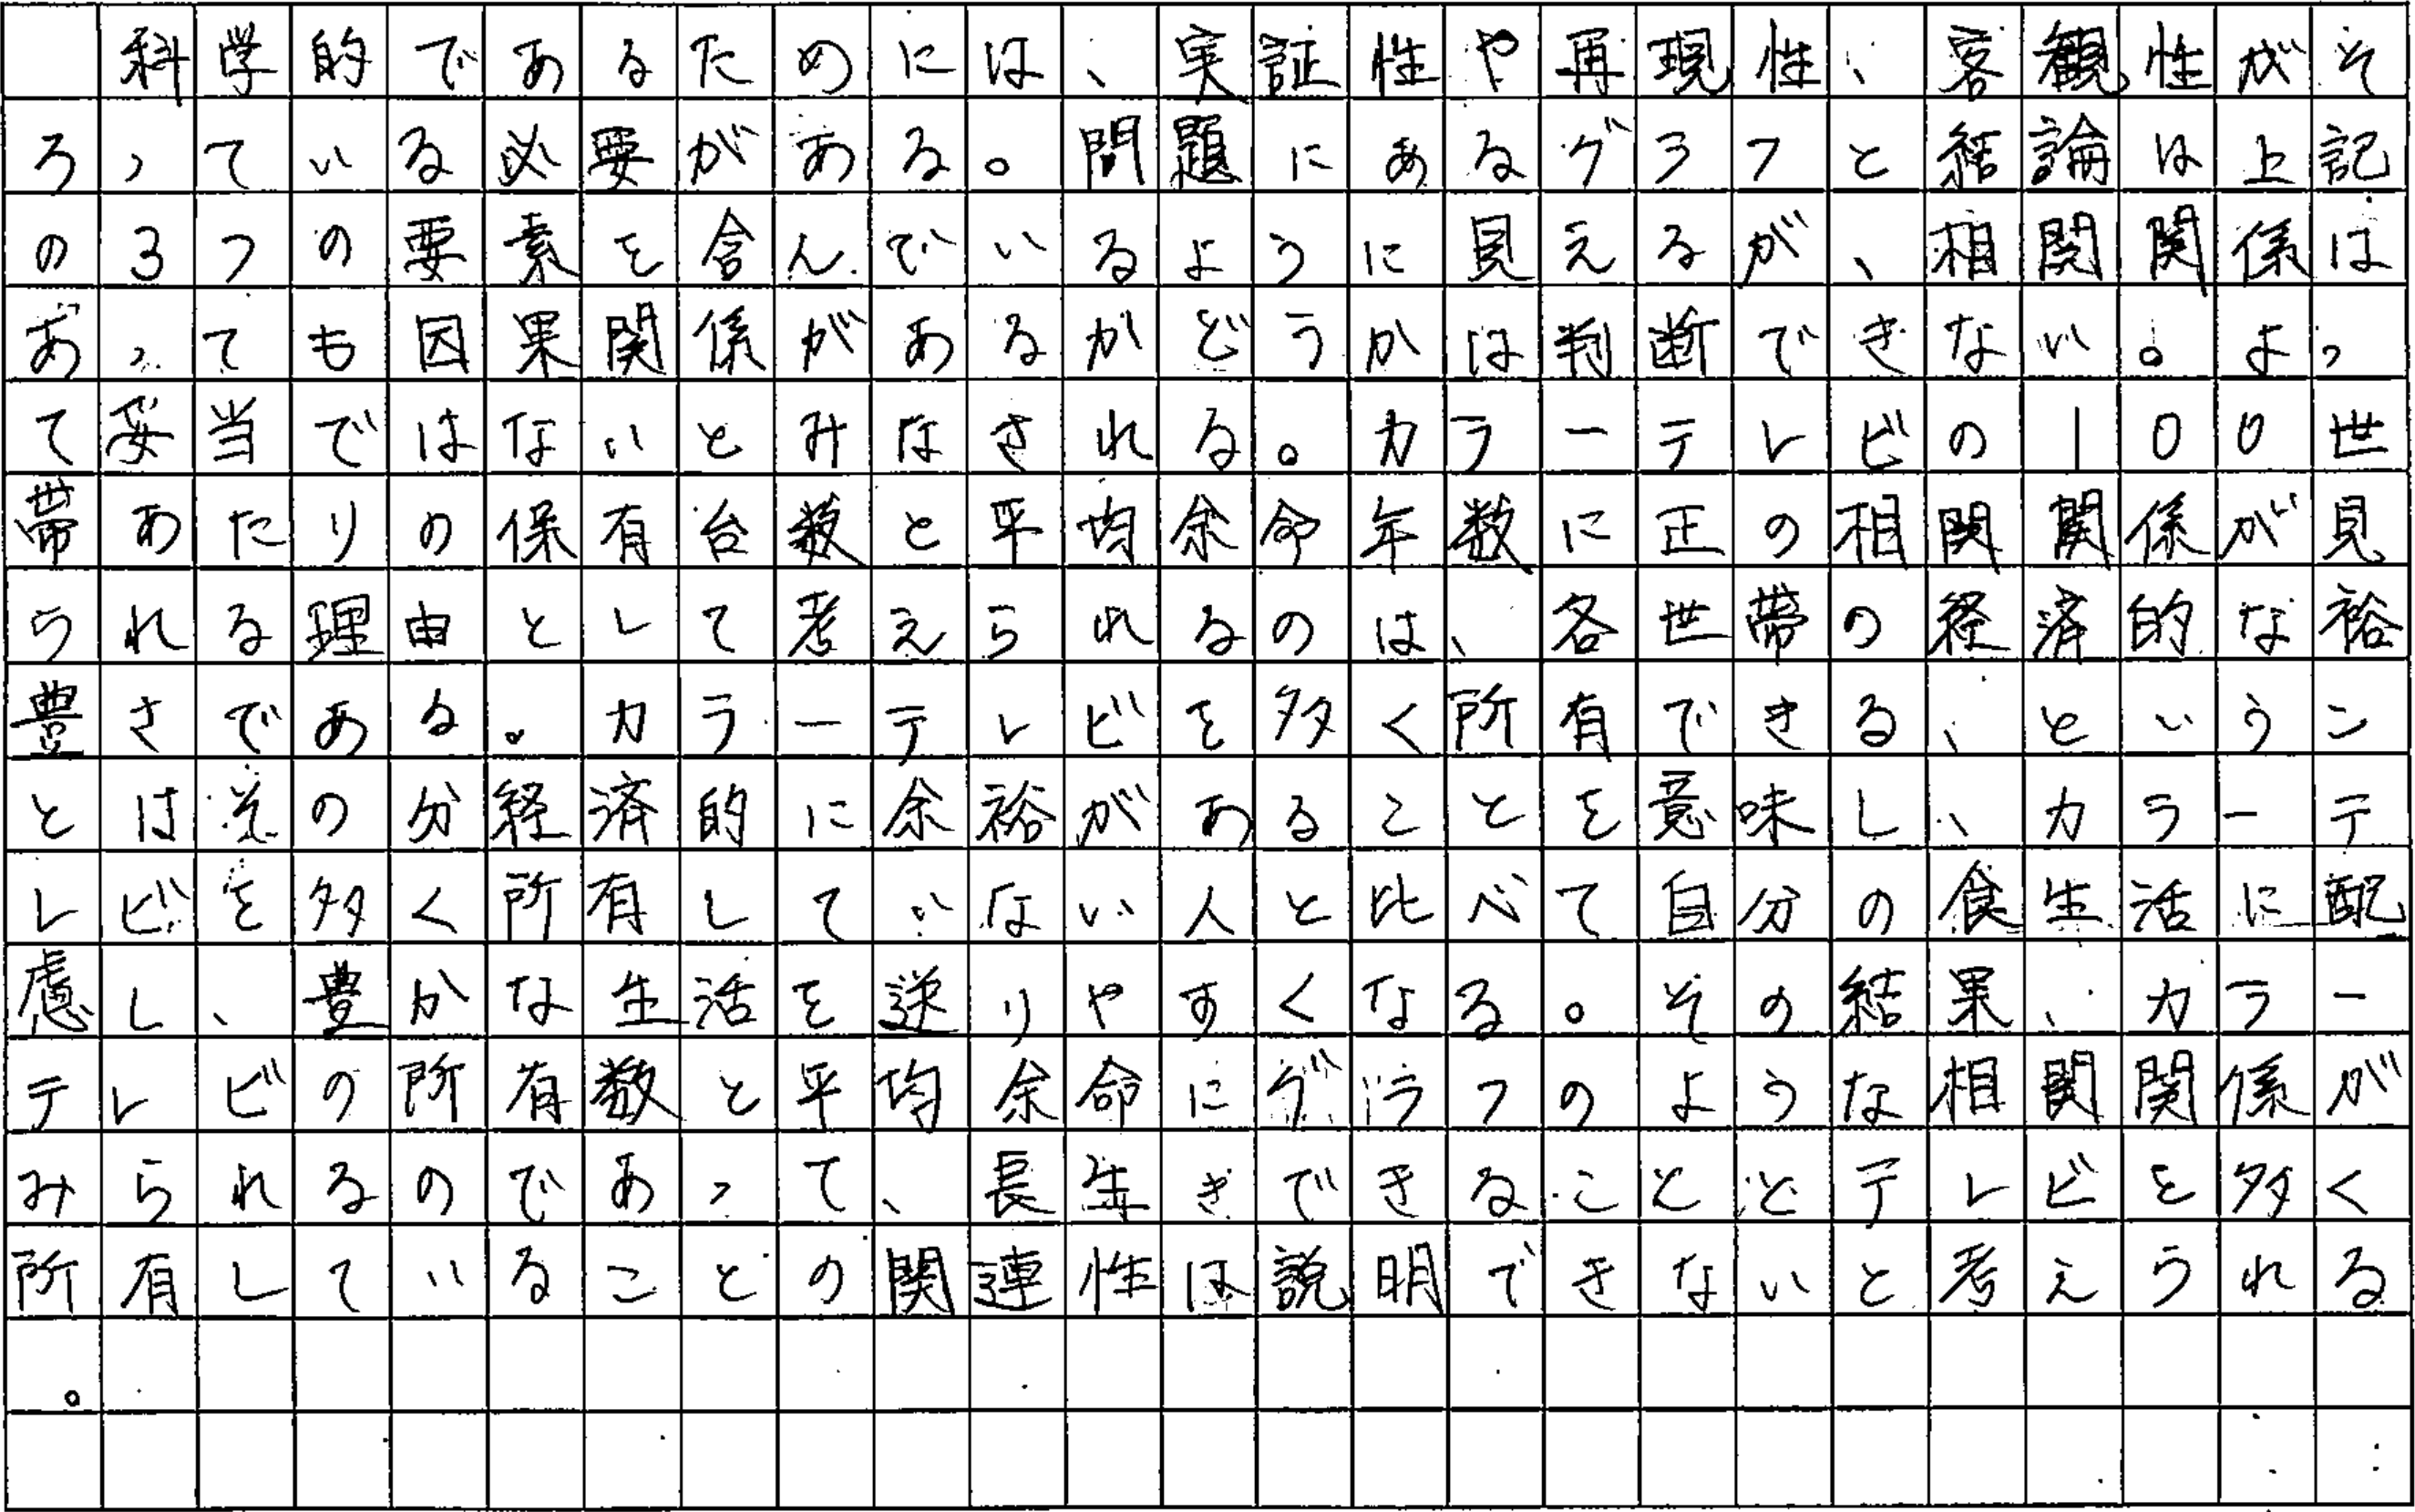　科学的であるためには、実証性や再現性、客観性がそろっている必要がある。問題にあるグラフと結論は上記の３つの要素を含んでいるように見えるが、相関関係はあっても因果関係があるかどうかは判断できない。よって妥当ではないとみなされる。カラーテレビの１００世帯あたりの保有台数と平均余命年数に正の相関関係が見られる理由として考えられるのは、各世帯の経済的な裕豊さである。カラーテレビを多く所有できる、ということはその分経済的に余裕があることを意味し、カラーテレビを多く所有していない人と比べて自分の食生活に配慮し、豊かな生活を送りやすくなる。その結果、カラーテレビの所有数と平均余命にグラフのような相関関係がみられるのであって、長生きできることとテレビを多く所有していることの関連性は説明できないと考えられる。
